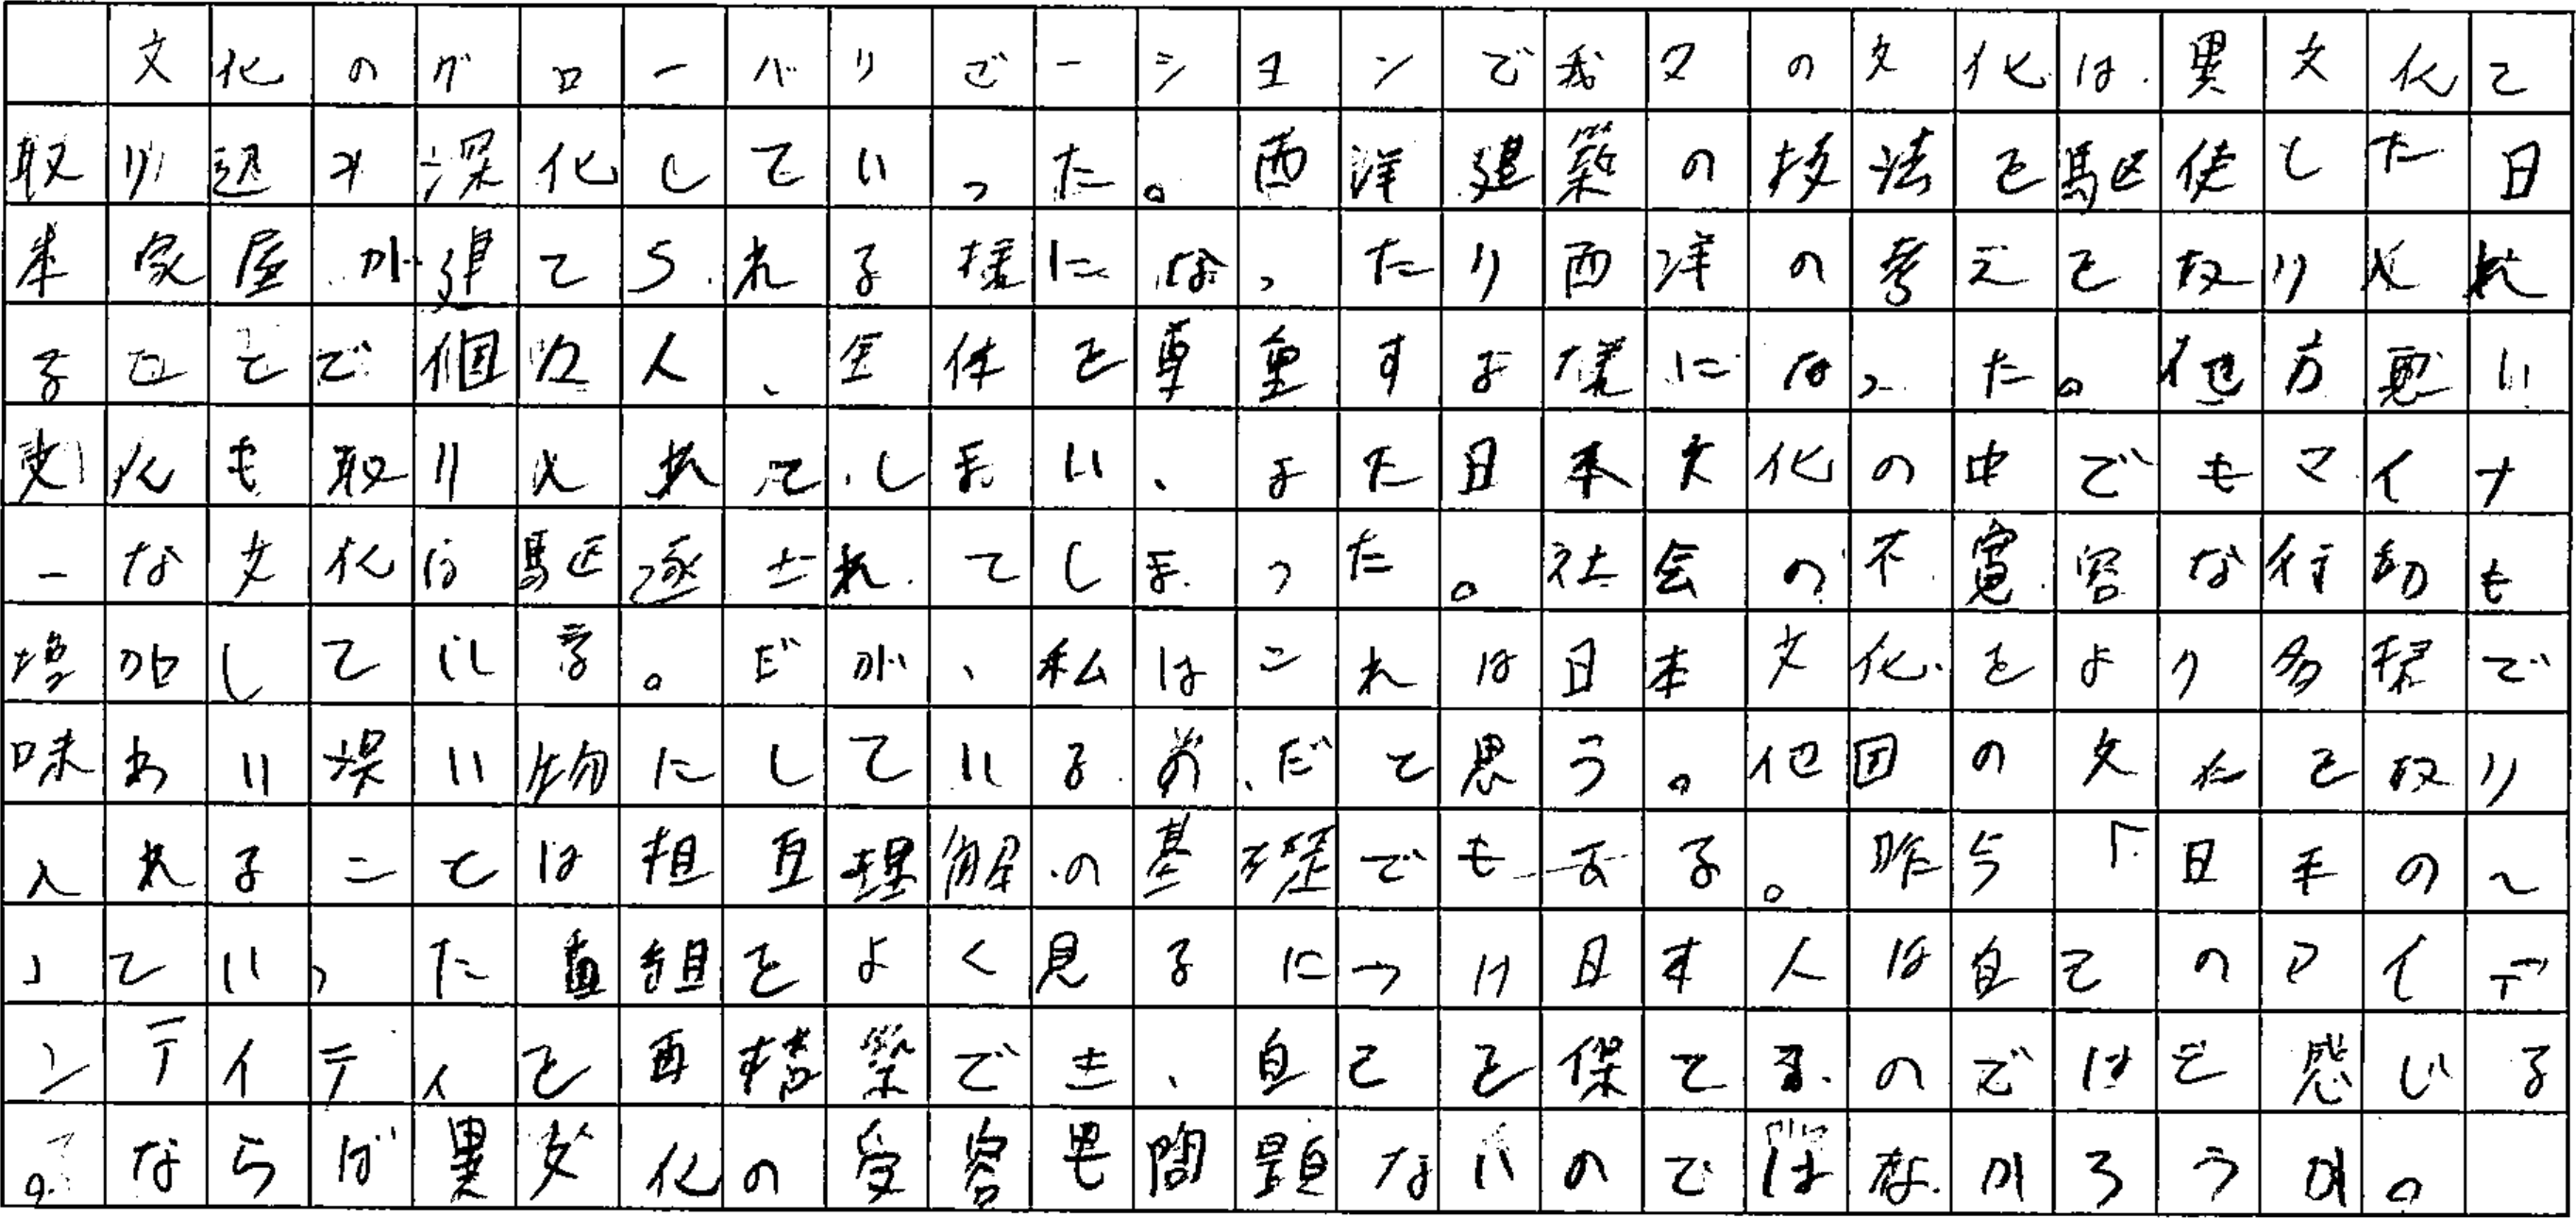　文化のグローバリゼーションで我々の文化は異文化を取り込み深化していった。西洋建築の技法を駆使した日本家屋が建てられる様になったり西洋の考えを取り入れることで個々人、全体を尊重する様になった。他方悪い文化も取り入れてしまい、また日本文化の中でもマイナーな文化は駆逐されてしまった。社会の不寛容な行動も増加している。だが、私はこれは日本文化をより多様で味わい深い物にしているのだと思う。他国の文化を取り入れることは相互理解の基礎でもある。昨今「日本の～」といった番組をよく見るにつけ日本人は自己のアイデンティティを再構築でき、自己を保てるのではと感じる。ならば異文化の受容も問題ないのではなかろうか。
